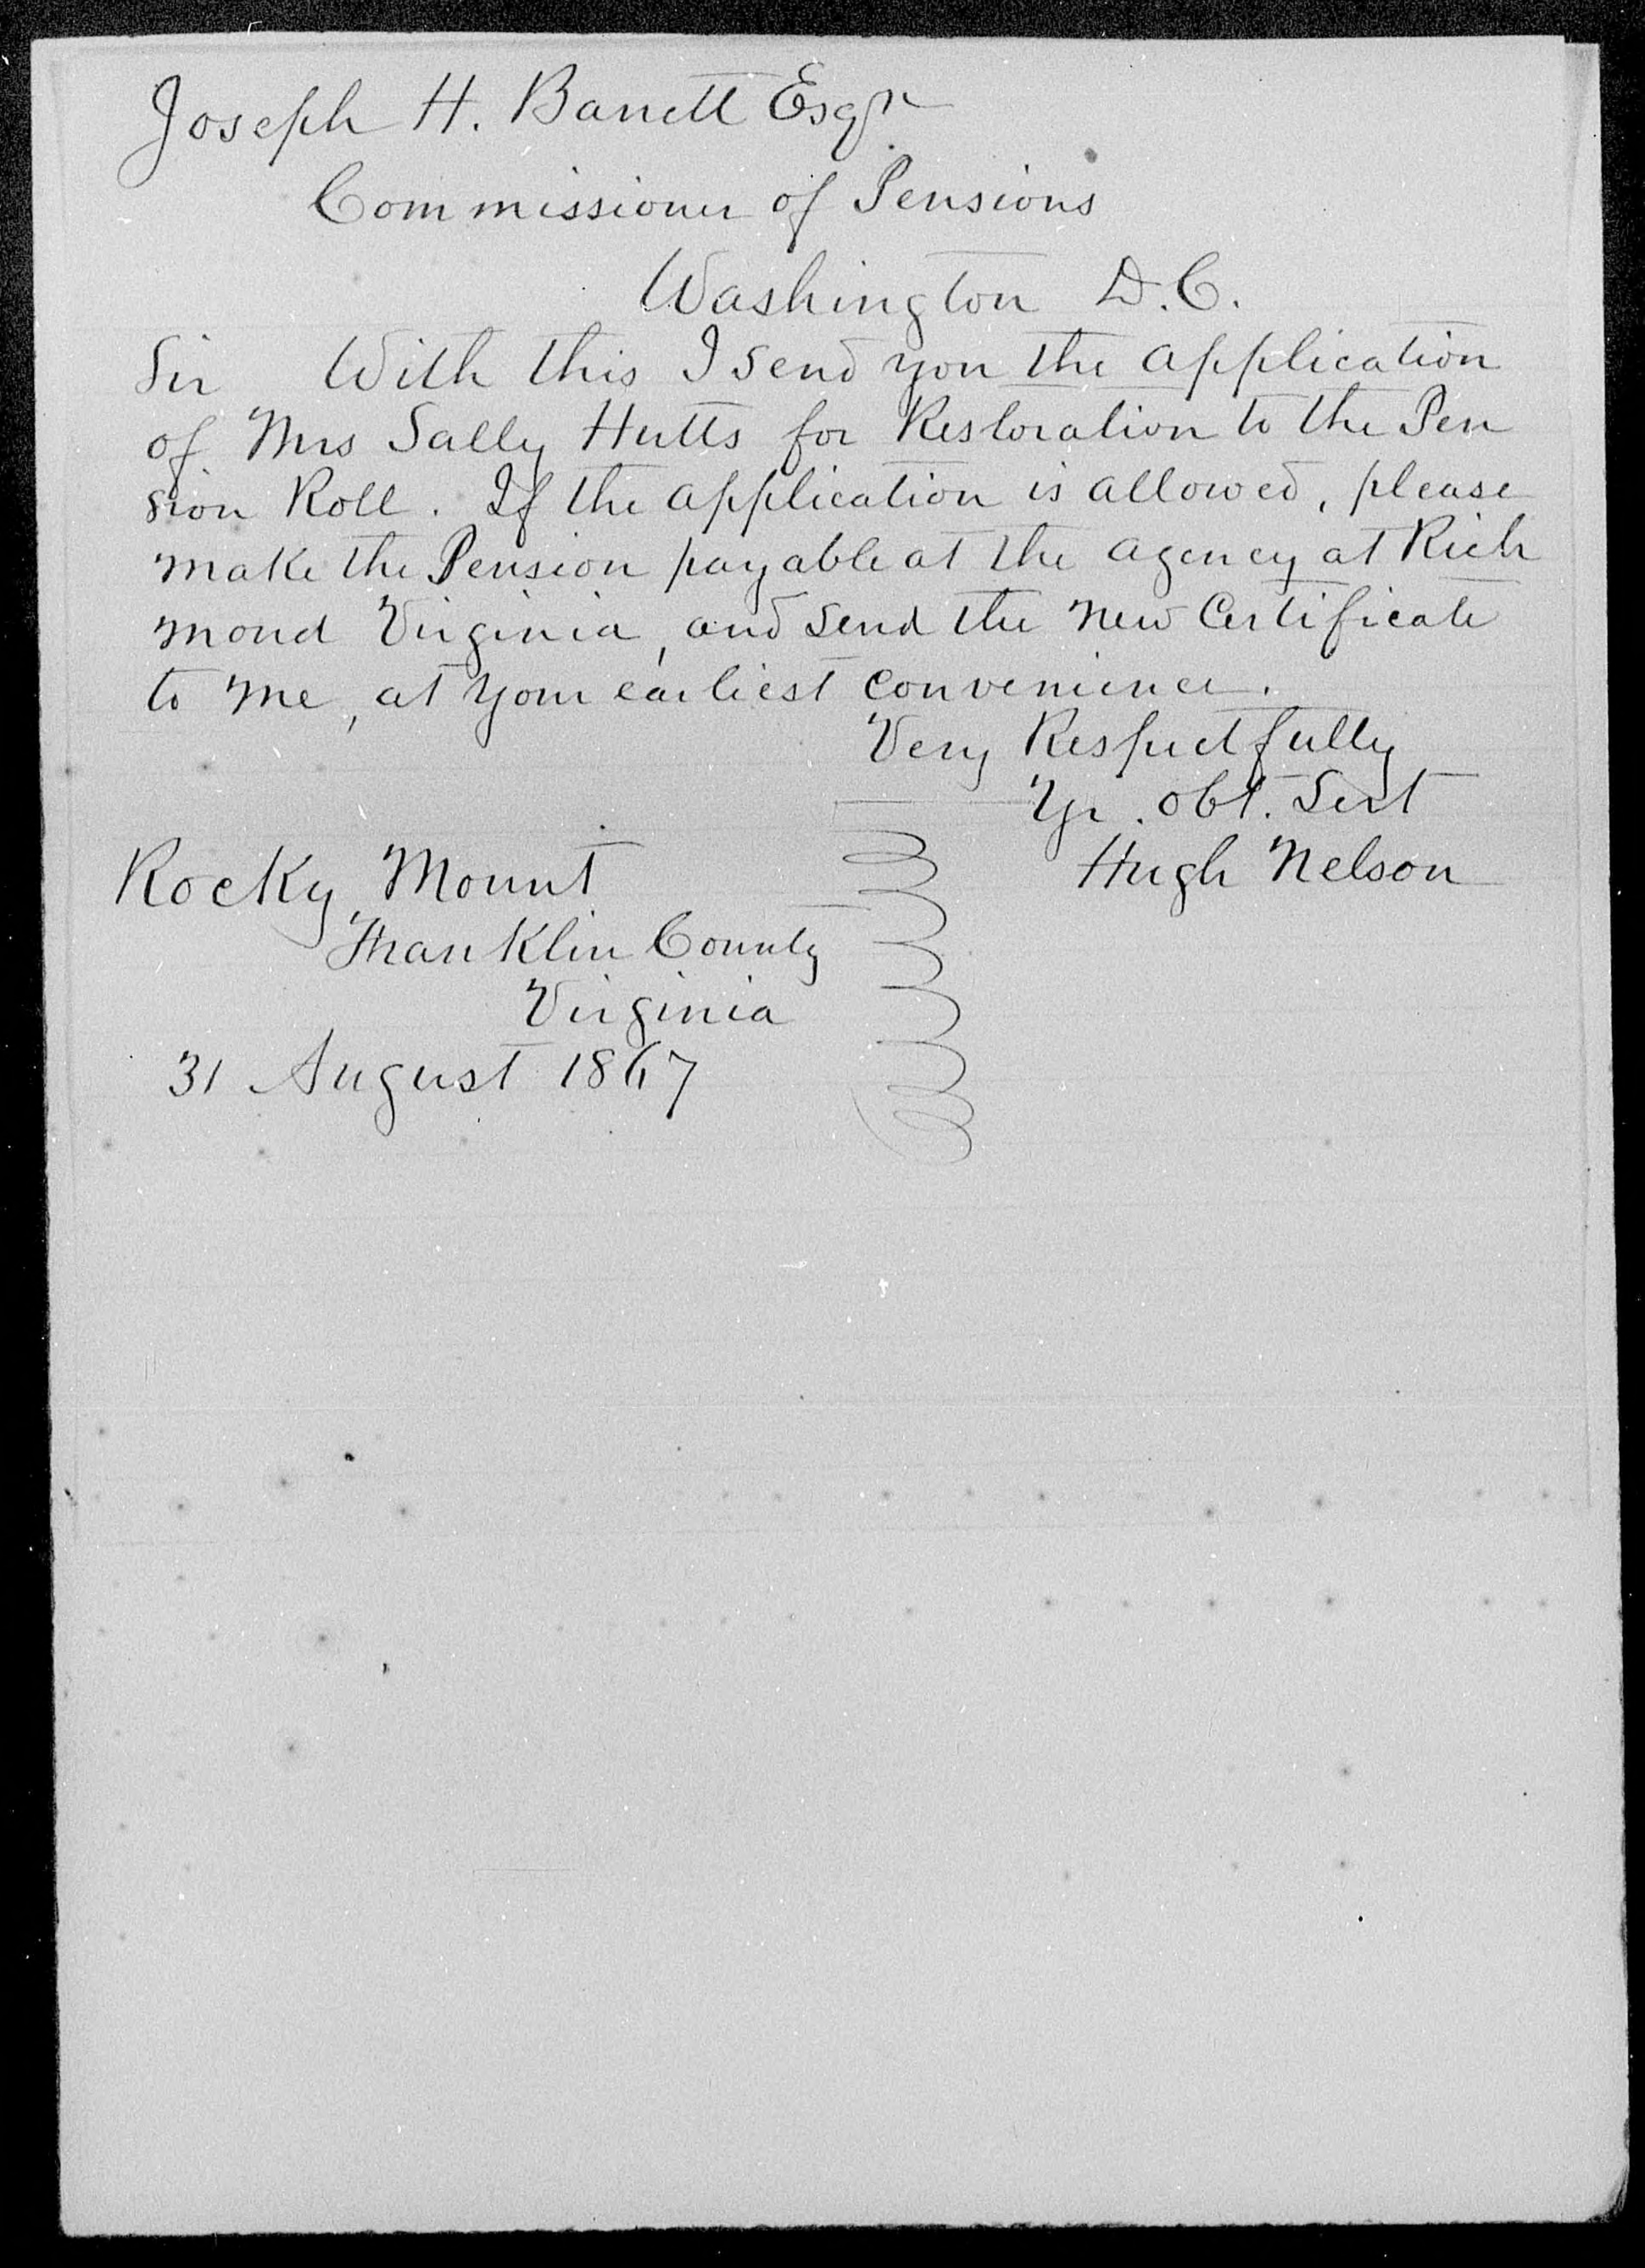Joseph H. Barrett Esqr [Esquire]
Commissioner of Pensions
Washington D. C.

Sir With this I send you the application of Mrs Sally Hutts for Restoration to the Pension Roll. If the application is allowed, please make the Pension payable at the Agency at Richmond Virginia, and send the new Certificate to me, at your earliest convenience.
Very Respectfully
Yr. obt. Sert. [Your obedient Servant]
Hugh Nelson
Rocky Mount}
Franklin County}
Virginia}
31 August 1896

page: 25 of 33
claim: widow's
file: W. 550, for Leonard Hutts, Virginia